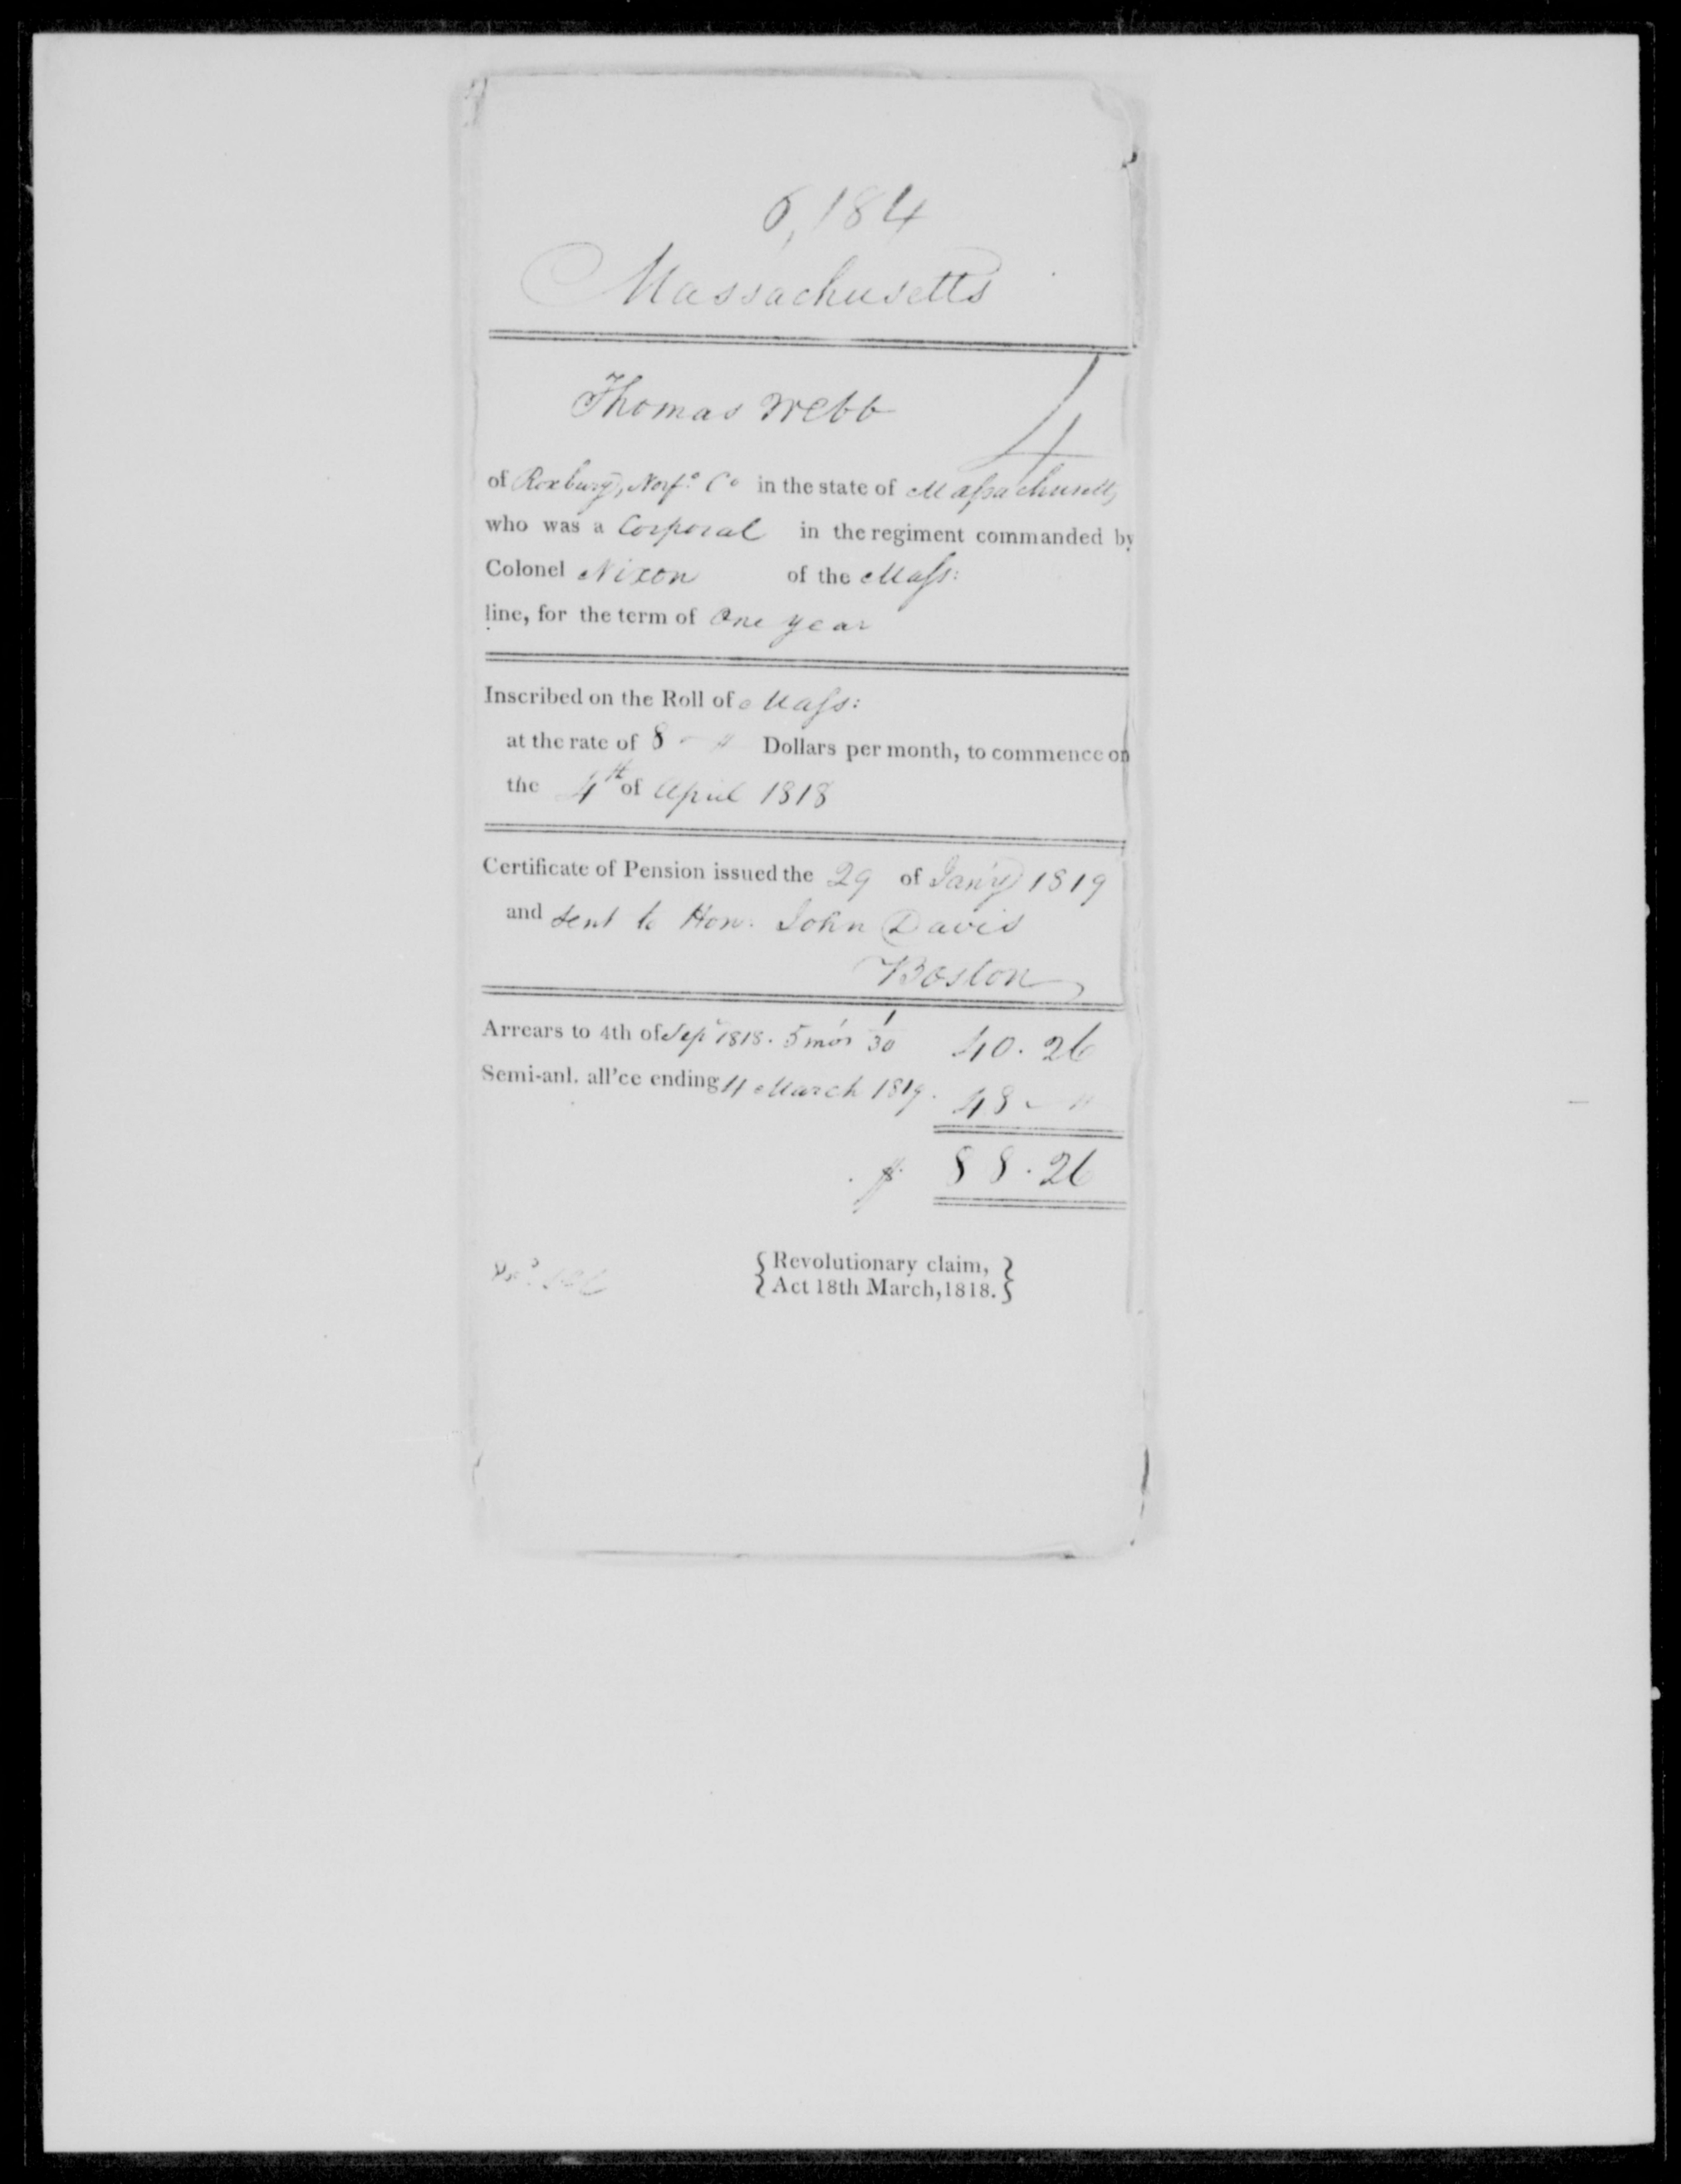6184
Massachusetts
Thomas Webb
of Roxbury, Norf. Co. in the state of Massachusetts who was a Corporal in the regiment commanded by Colonel Nixon of the Mass. line for the term on one year

Inscribed on the Roll of Mass. at the rate of 8 Dollars per month, to commence on the 4th of April 1818
Certificate of Pension issued the 29th Jany. 1819 and sent to Hon. John Davis
Boston
Arrears to 4th of Sept. 1818 5 mos. 1/30  40.26
Semi-anl-all'ce ending 4 March 1819   48.00
$88.26

{Revolutionary claim,
Act 18th March 1818}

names: John Davis, Nixon, Thomas Webb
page: 2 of 14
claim: survivor's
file: S. 33888, Thomas Webb, Mass.